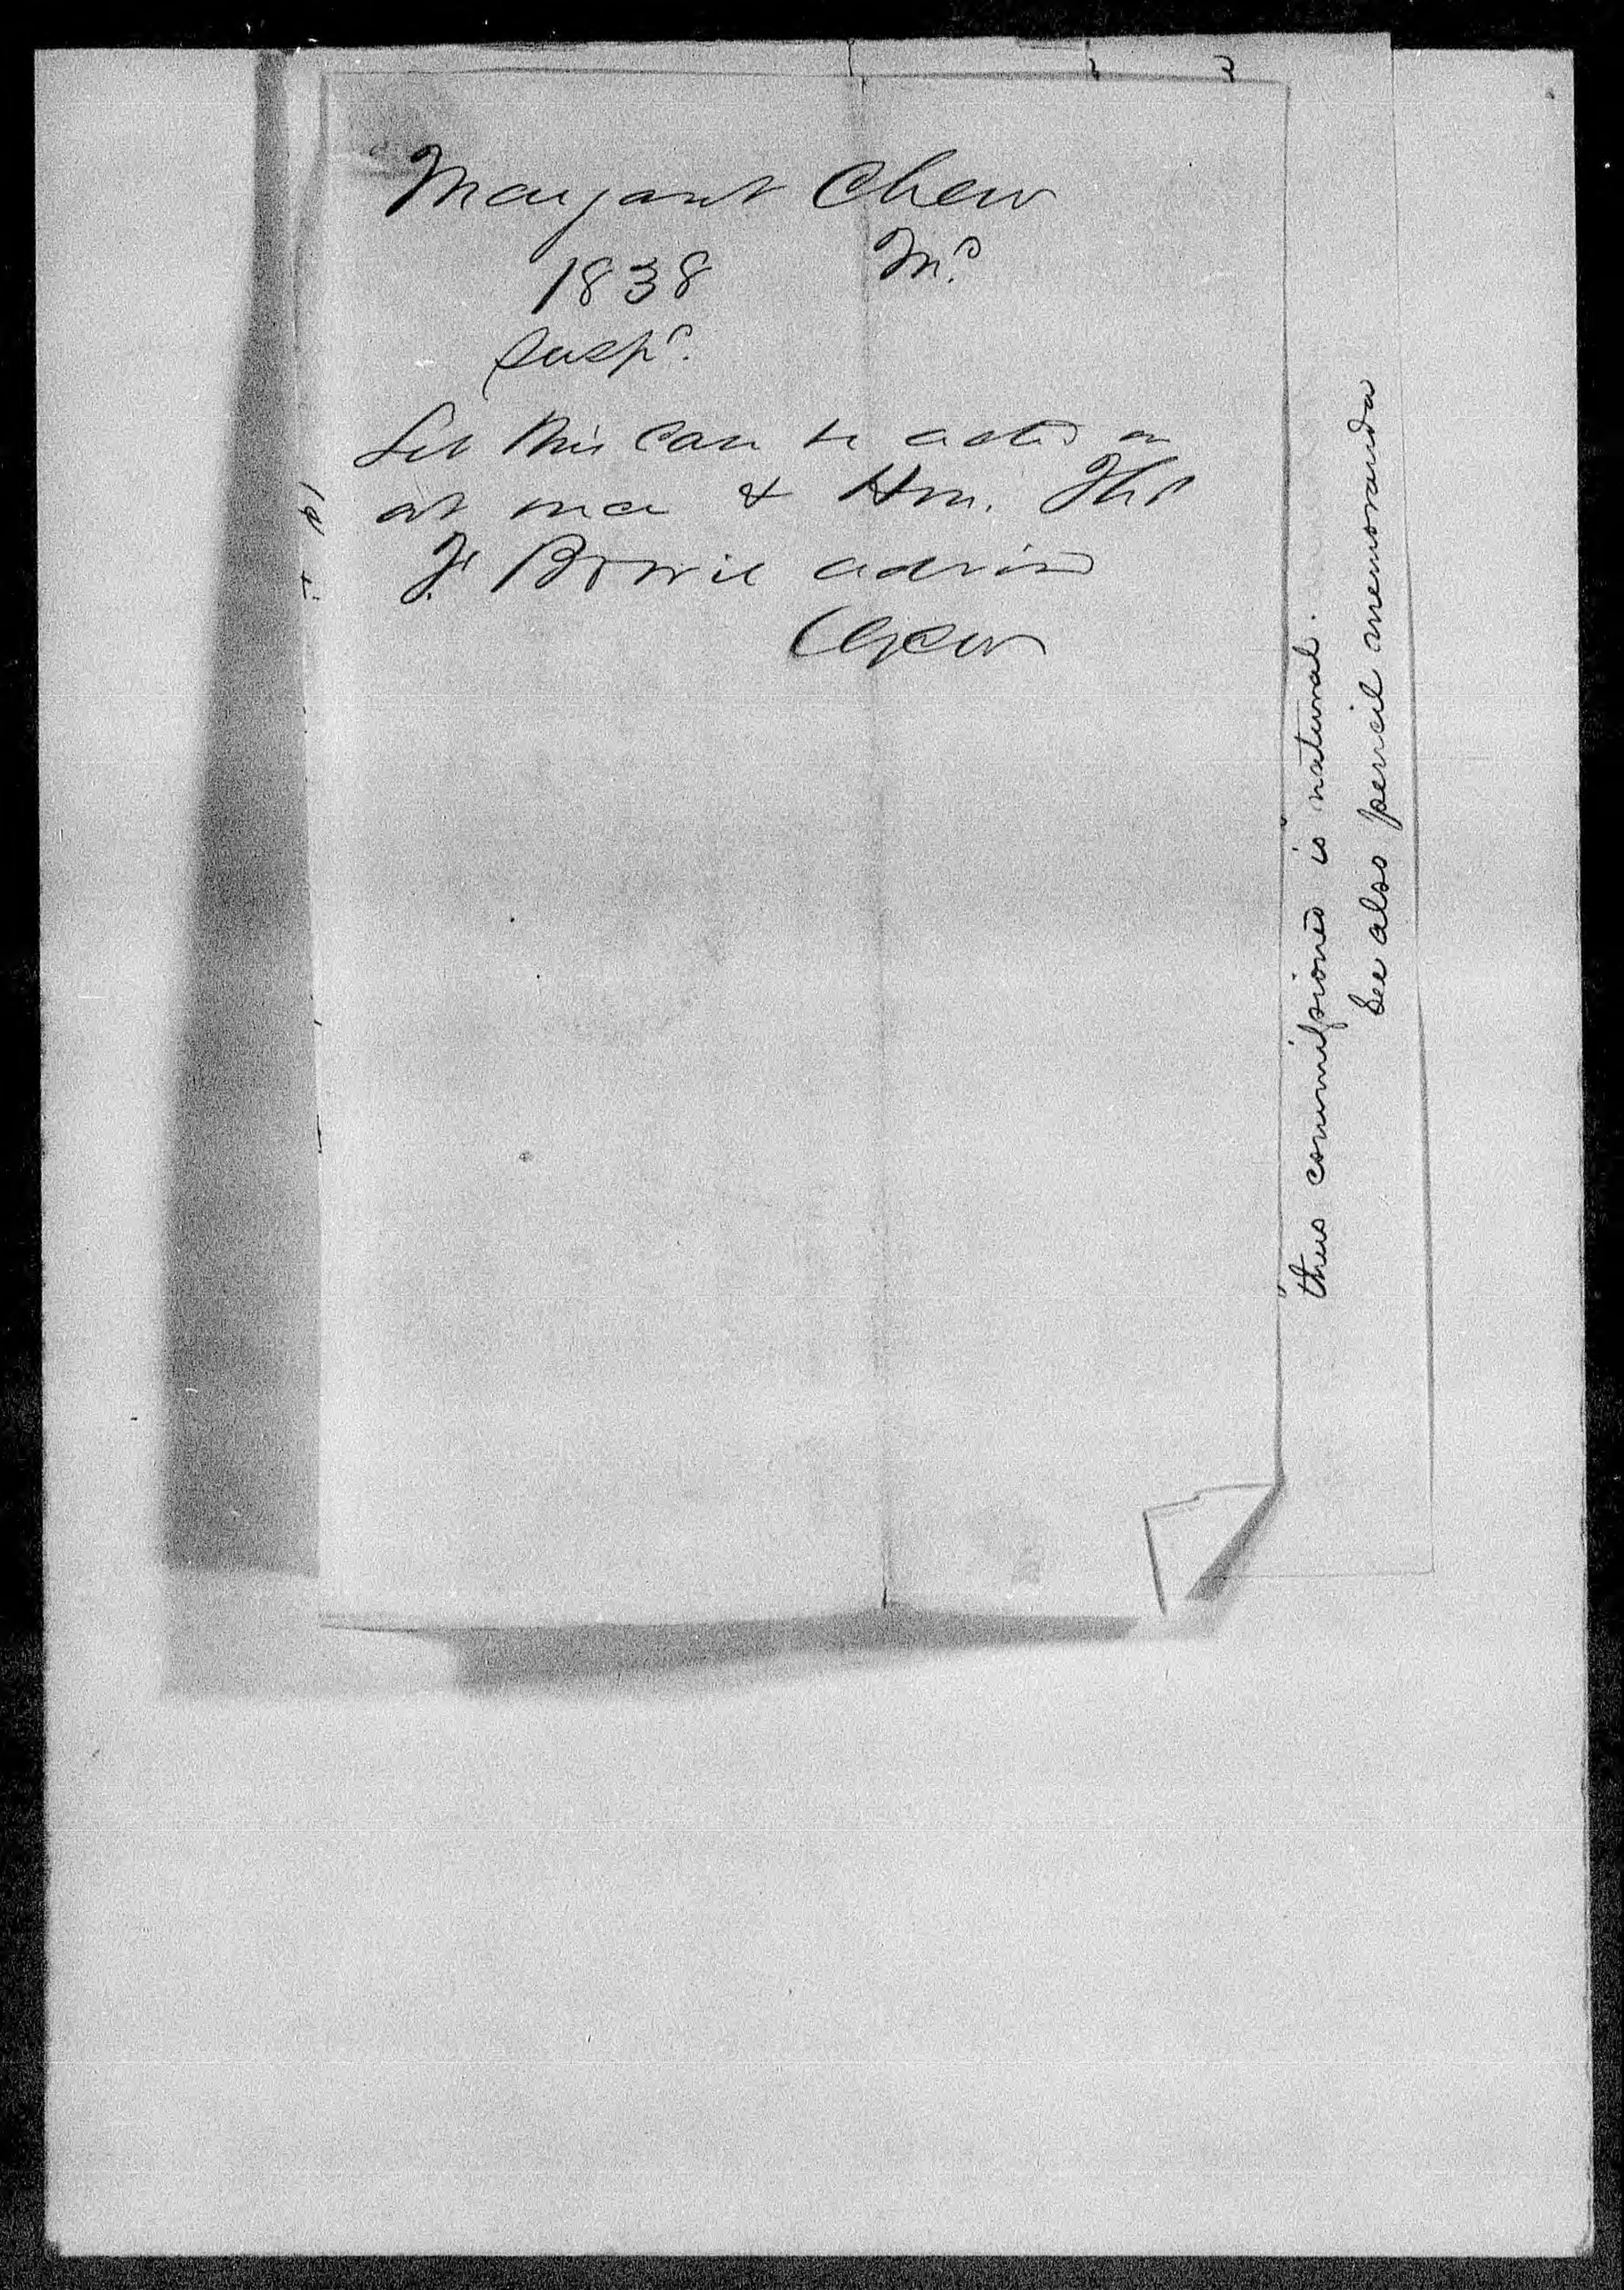Margaret Chew
1838 Md.
suspd.
Let this case to acts on at once & Hon. Tho F. Bowie advise
[illegible signature]

thus commissioned is natural. 
See also pencil memoranda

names: Thos F Bowie, Margaret Chew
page: 41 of 59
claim: widow's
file: W. 9383, Nathaniel Chew, Navy (Md.)